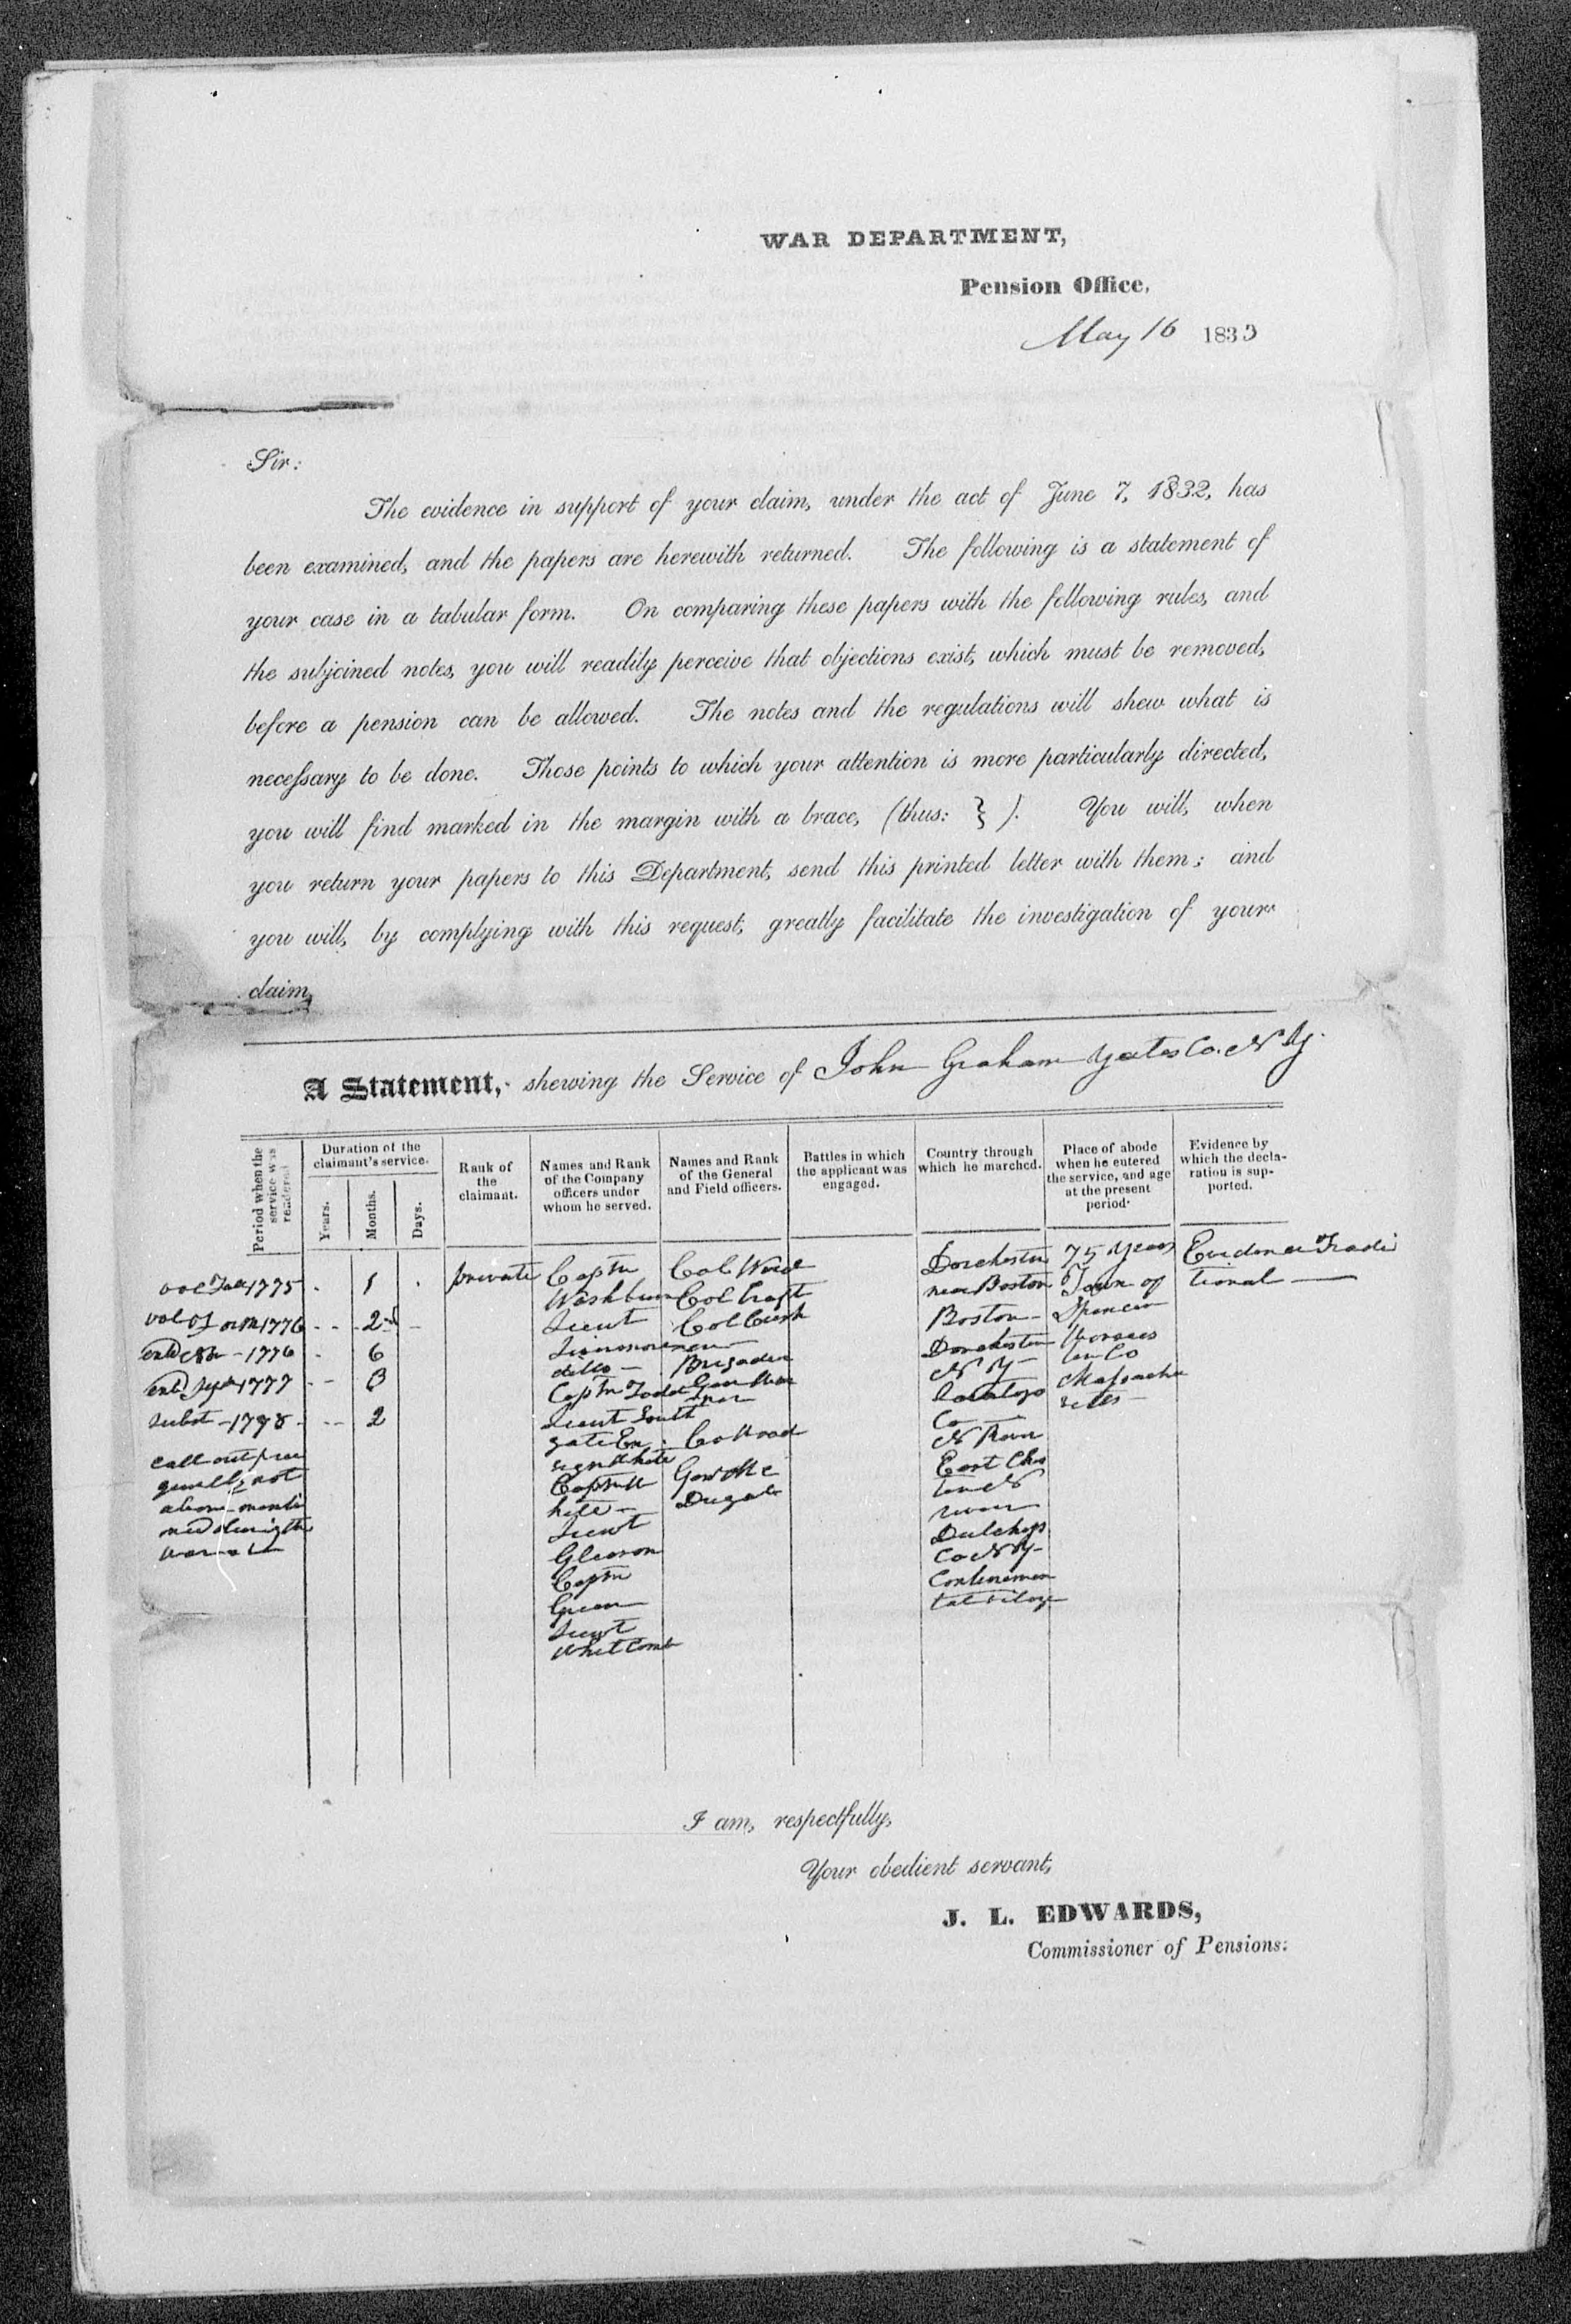Sir:
WAR DEPARTMENT
Pension Office,
May 16 1833
The evidence in support of your claim, under the act of June 7, 1832, has
been examined, and the papers are herewith returned. The following is a statement of
your case in a tabular form. On comparing these papers with the following rules, and
the subjoined notes, you will readily perceive that objections exist, which must be removed,
before a pension can be allowed. the notes and the regulations will shew what is
necessary to be done. Those points to which your attention is more particularly directed,
you will find marked in the margin with a brace, (thus: ⎬
You will, when
you return your papers to this Department, send this printed letter with them; and
you will, by complying with this request, greatly facilitate the investigation of your
claim
a statement, showing the service of John Graham Yates Co NY
Period when the service was rendered
1775  
1776
1776
1777
1778
duration of the claiments service 
1 month
2 months
6 months
3 months
2 months
Rank of the claiment Private
Names and rank of the company officers under whom he served Captn Washburn
Name and rank of the General and Field officers Col Ward
Battles in which the applicant was engaged
County through which he marched
Dorchester
Near Boston
Boston
Dorchester



volofort 1776
Oct. 1776
Sept 1777
Subst-1778
call out free
will not ┃
above ment
length
or

Duration of the
claimant's service.
1
24
16
Rank of
the
claimant.
private
Names and Rank
of the Company
officers under
whom he served.
Names and Rank
of the General
and Field officers. ┃
Battles in which
the applicant was
Capt
Washber
Col Ward
Lieut
Col has
to
Collish
Lismore
dells
┃ Bregaden
Capt Todd
Lunt South
gate Cohood
sign shall
Castill
Gow Mc
held
┃ Dugal
Tew
Gleason
Copin
Secut
Whitcomb
engaged.
Country through
which he marched-
Place of abode
when he entered
the service, and age
at the present
period-
Evidence by
┃ which the decla-
┃ Dorchester
75 years
near Boston
Town of
┃ Boston
┃ Spencer
Dorchester ┃
Thorses
NY
to
Bachelor
┃ Massachu
seter
Nover
East Chs
and ┃
River
Dutchess ┃
Copy
Confinement
ration is supported
.
tat
Evidence Trade
I am, respectfully
Your obedient servant,
Seal
J. L. EDWARDS,
Commissioner of Pensions:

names: Mc Dugal, White, Washburn, Green, Todd, Cush, Ward, Craft, J L Edwards, John Graham, Gleason, Warner, Southgate, Wood, Whitcomb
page: 10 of 28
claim: survivor's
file: S. 22799, John Graham, Mass